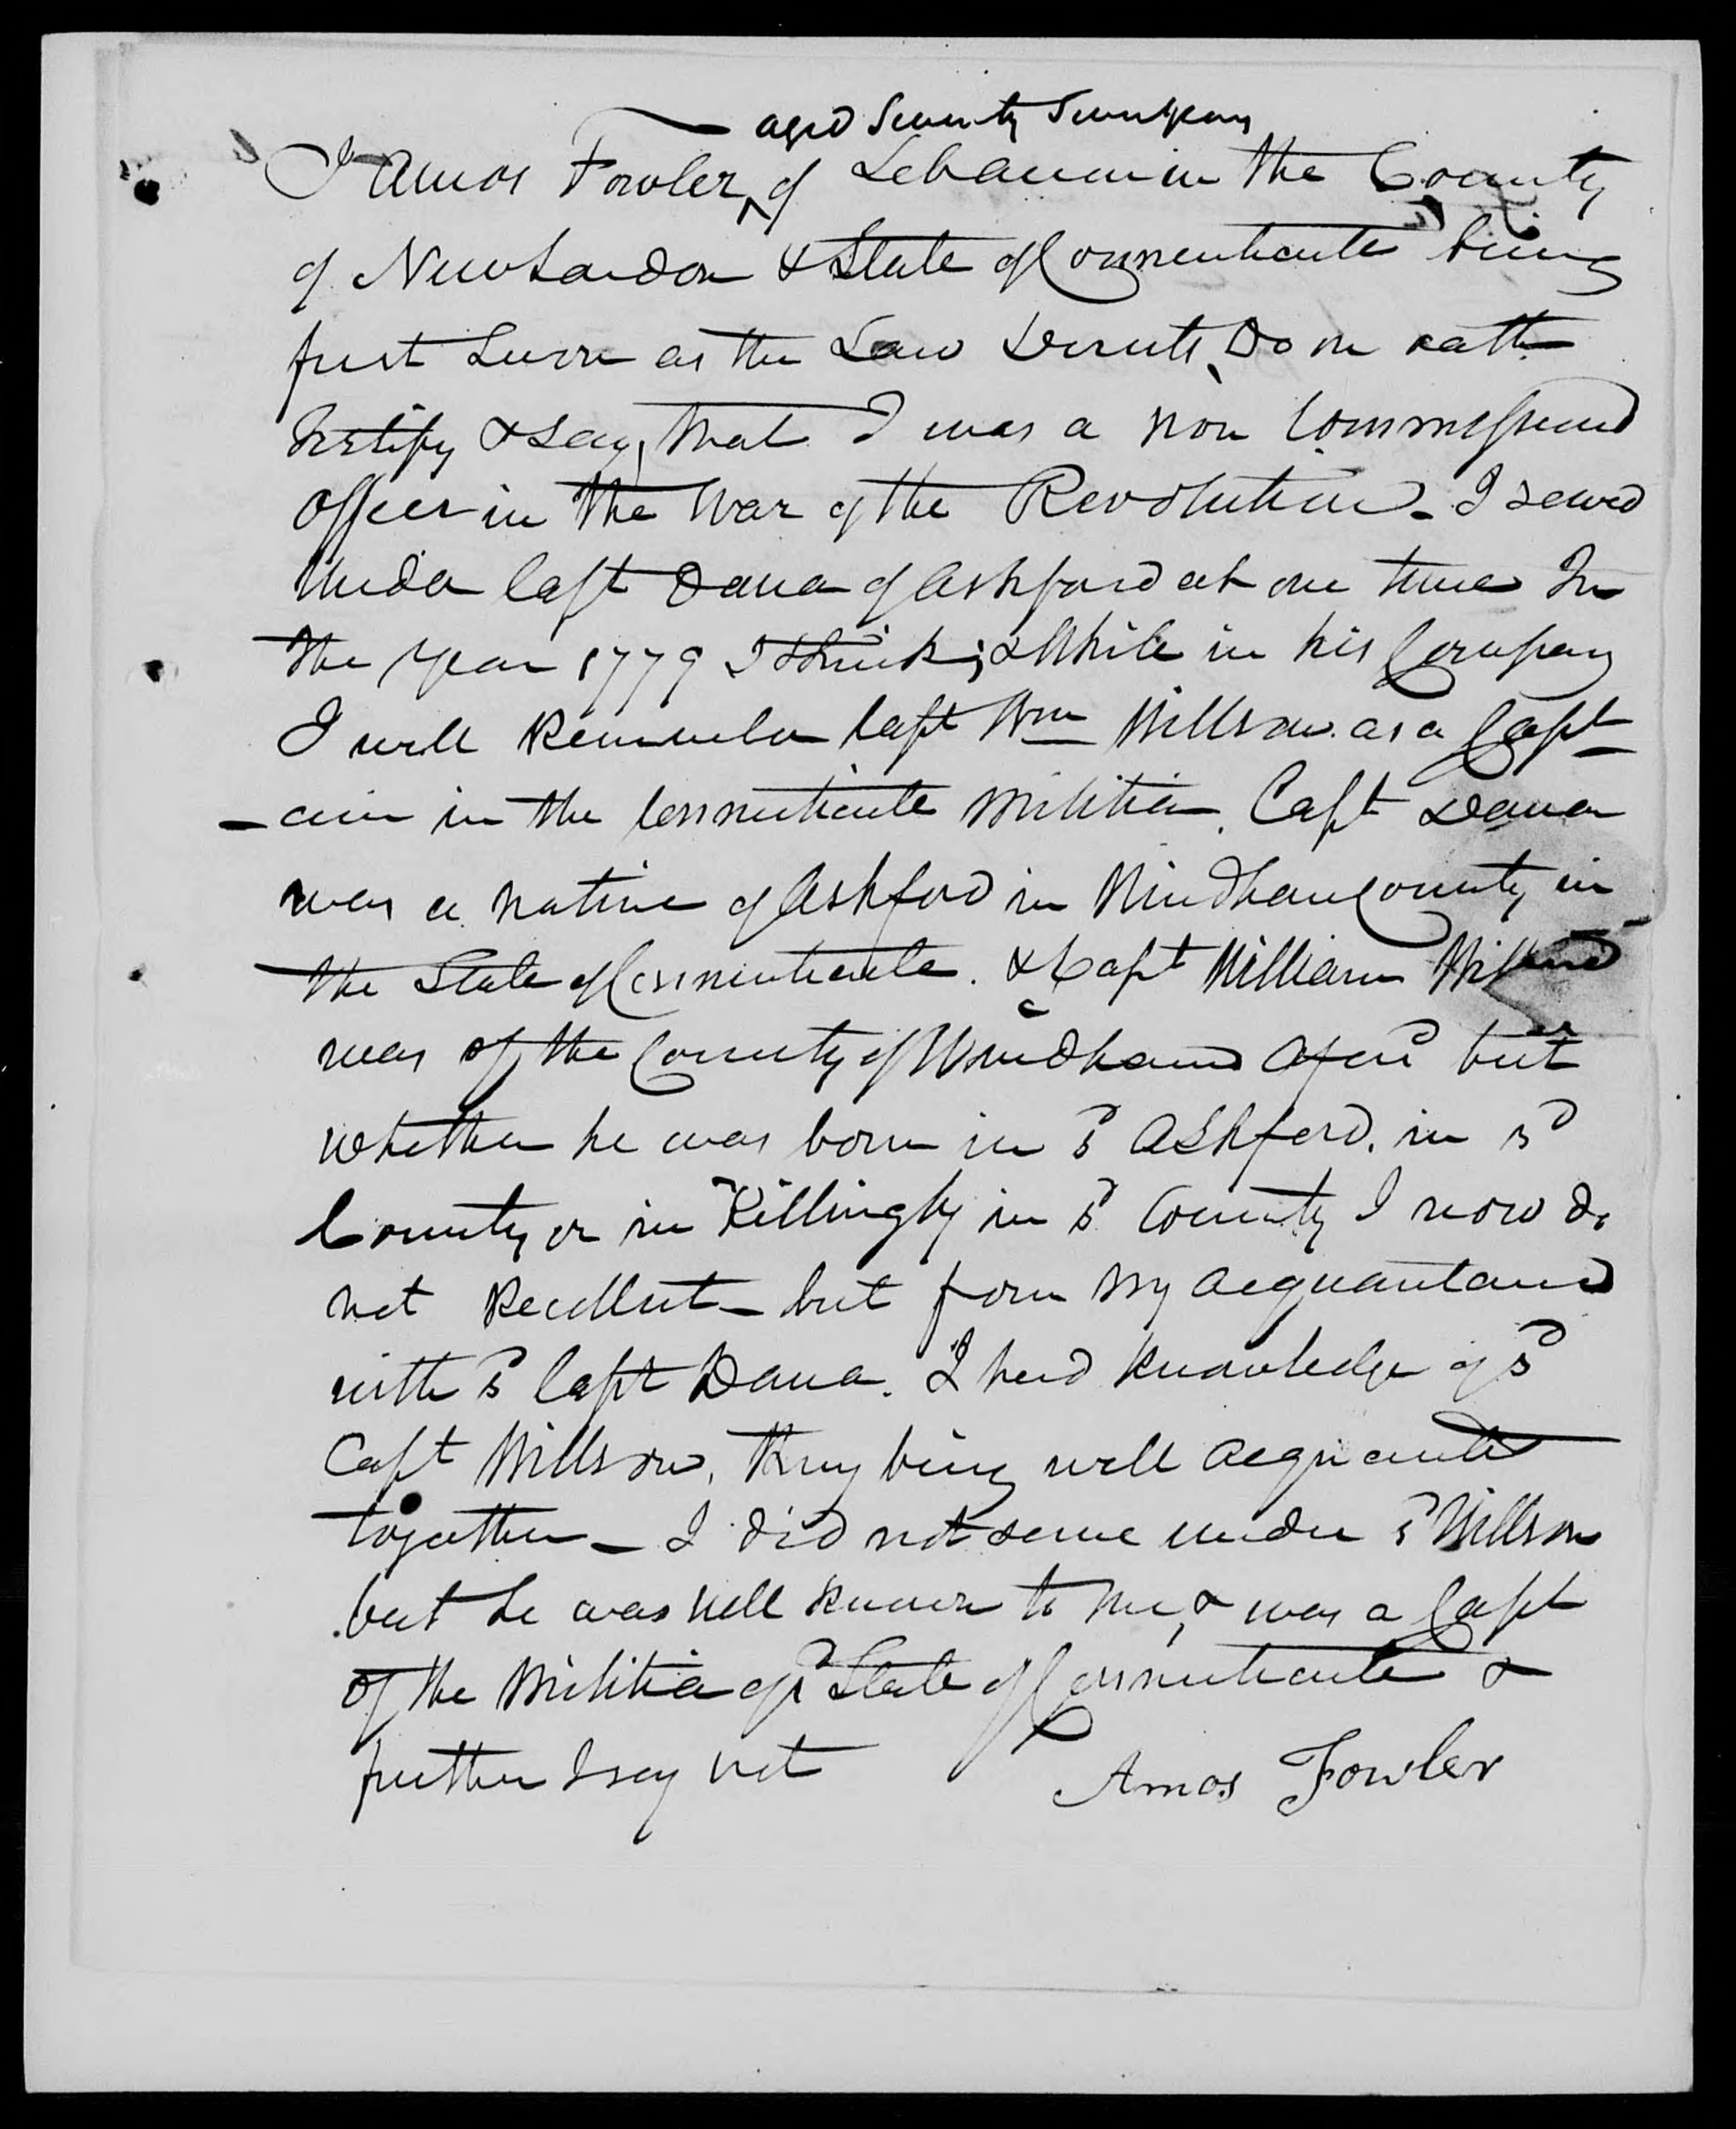I Amos Fowler aged seventy seven years of Lebanon in the county of New London & State of Connecticut being first sworn as the law directs, do on oath testify & say that I was a non commissioned officer in the War of the Revolution. I served under Capt. Dana of Ashford at one time in the year 1779 I think; & while in his company I well remember Capt. Wm. Willson as a Captain in the Connecticut militia. Capt. Dana was a native of Ashford in New London County in the state of Connecticut & Capt. William Williams was of the county of Windham aforesaid but whether he was born in aforesaid Ashford in said county or in Killingly in said county I now do not recollect. But from my acquaintance with said Capt. Dana I had knowledge of said Capt. Wilson, they being well acquainted together. I did not serve under said Willson but he was well known to me, & was a Capt. of the militia of said State of Connecticut & further I say not.

Amos Fowler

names: Amos Fowler, Willson, Dana, Dana, Amos Fowler, Wm Willson, Dana, William Willson, Willson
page: 39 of 50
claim: survivor's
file: S 10607, Jabez Edwards, Conn.